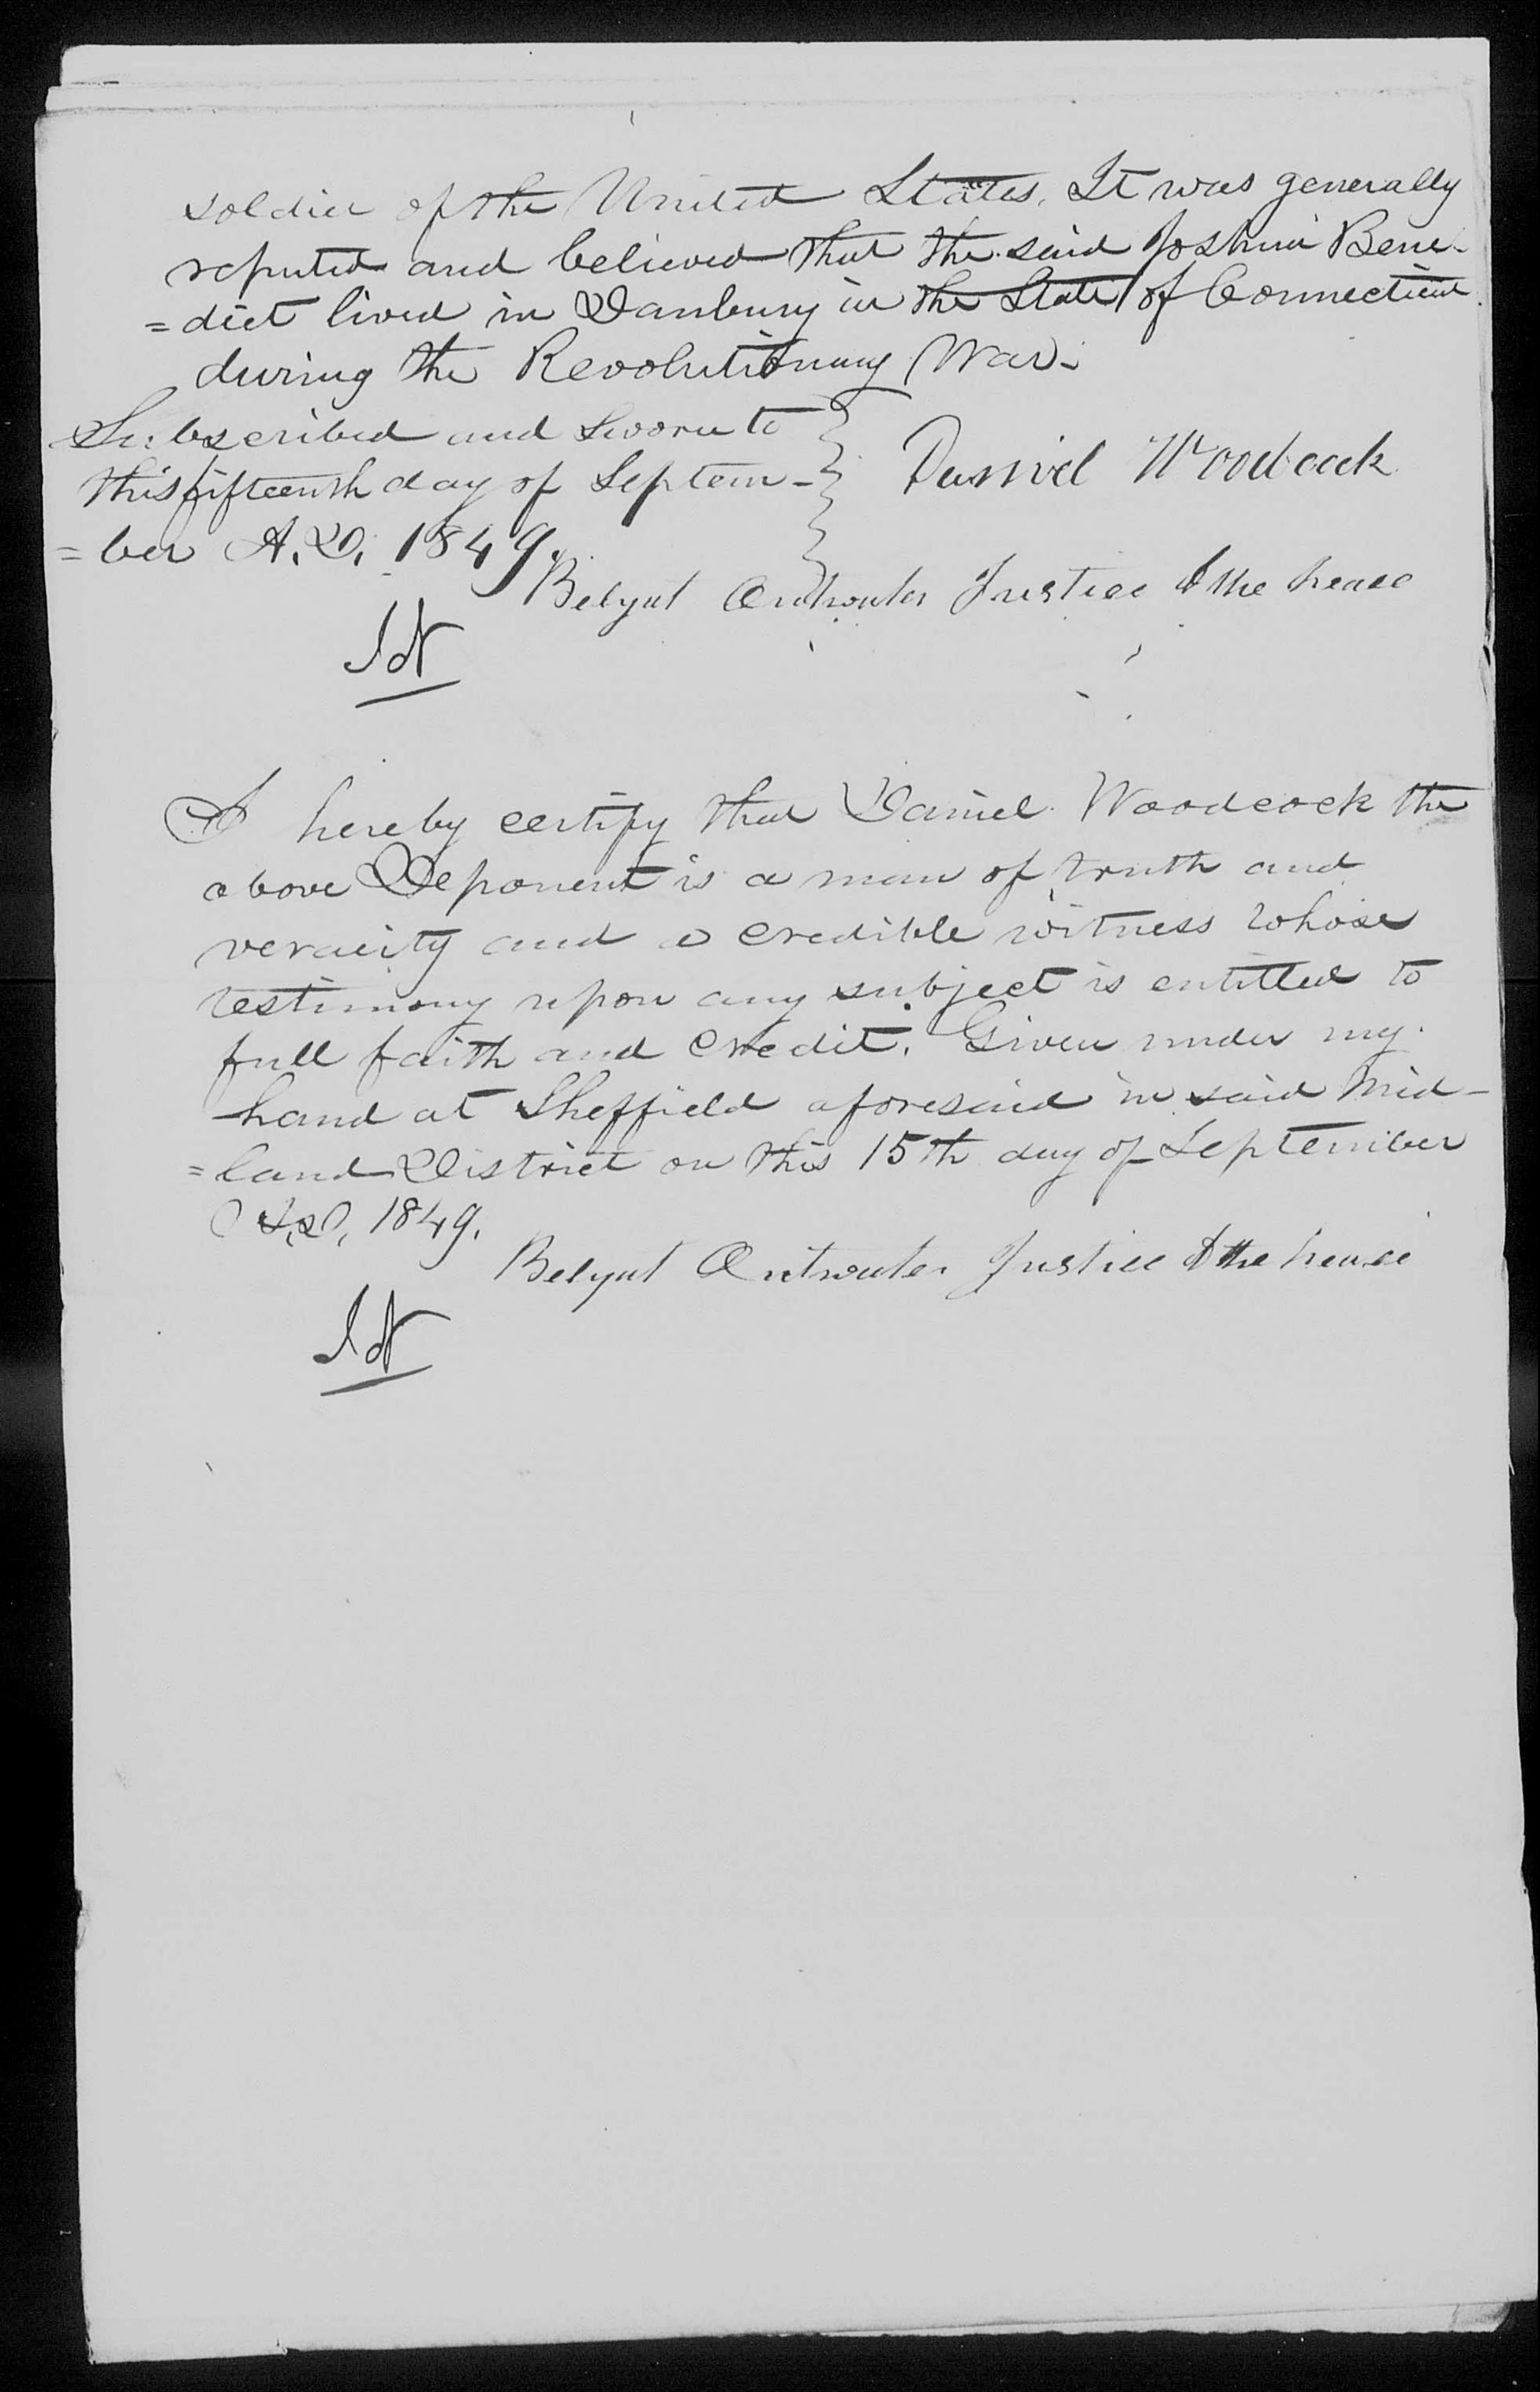soldier of the United States. It was generally reputed and believed that the said Joshua Benedict lived in Danbury in the State of Connecticut during the Revolutionary War.
Daniel Woodcock

Subscribed and Sworn to this fifteenth day of September A.D. 1849.
Belyat Outwater Justice of the peace
[illegible]

I hereby certify that Daniel Woodcock the above Deponent is a man of truth and veracity and a credible witness whose testimony upon any subject is entitled to full faith and credit. Given under my hand at Sheffield aforesaid in said Midland District on this 15th day of September A.D. 1849.
Belyat Outwater Justice of the peace

[illegible]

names: Daniel Woodcock, Belyat Outwater, Belyat Outwater, Daniel Woodcock, Joshua Benedict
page: 42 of 106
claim: survivor's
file: S 23,116., Joshua Benedict, Conn.